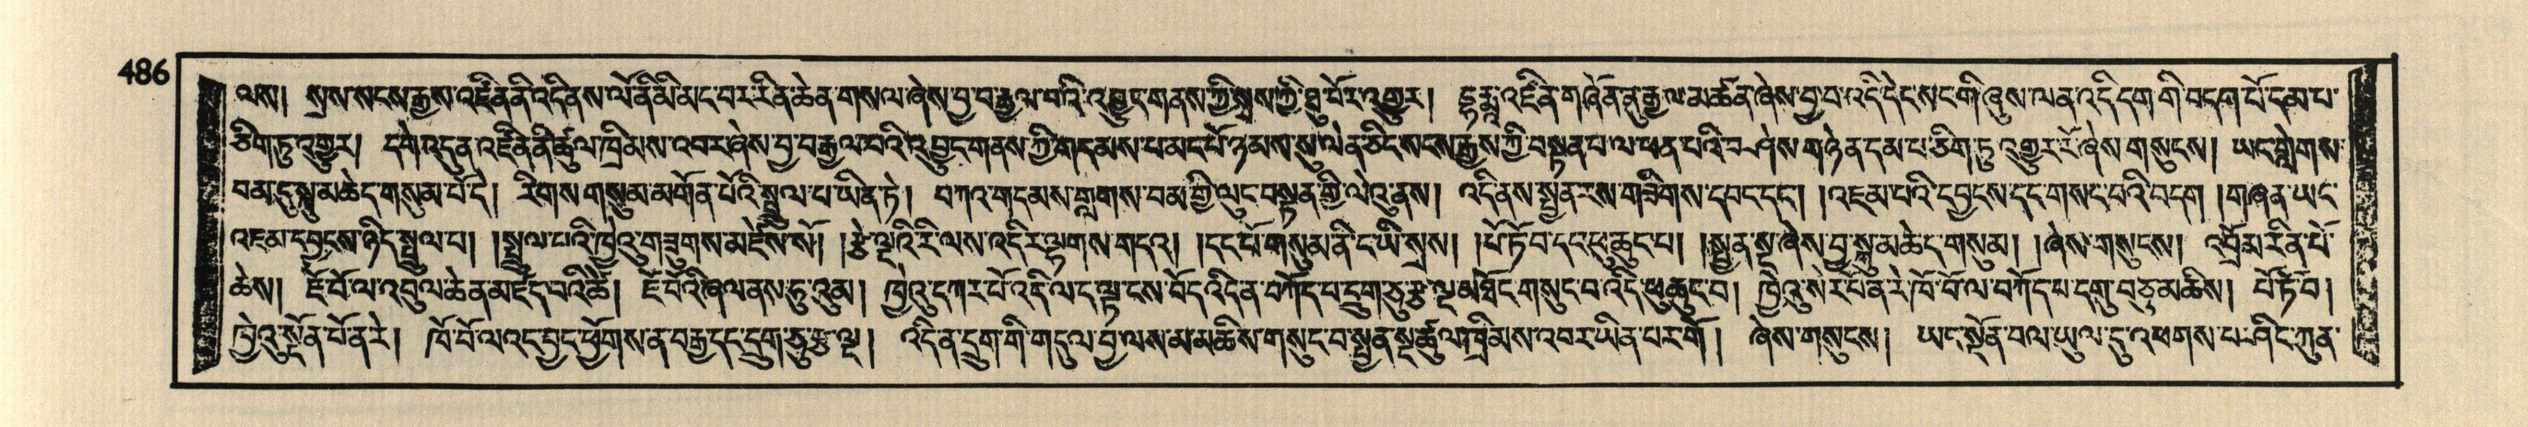ལས། སྲས་སངས་རྒྱས་འཛིན་ནི་འདི་ནས་ལོ་ནི་མི་མང་བར་རིན་ཆེན་གསལ་ཞེས་བྱ་བ་རྒྱལ་བའི་འབྱུང་གནས་ཀྱི་སྲས་ཀྱི་ཐུ་བོར་འགྱུར། དྷརྨཱ་འཛིན་གཞོན་ནུ་རྒྱལ་མཚན་ཞེས་བྱ་བ་འདི་དེང་སང་གི་ཞུས་ལན་འདི་དག་གི་བདག་པོ་དམ་པ་
ཅིག་ཏུ་འགྱུར། དགེ་འདུན་འཛིན་ནི་ཚུལ་ཁྲིམས་འབར་ཞེས་བྱ་བ་རྒྱལ་བའི་འབྱུང་གནས་ཀྱི་གདམས་པ་མང་པོ་ཉམས་སུ་ལེན་ཅིང་སངས་རྒྱས་ཀྱི་བསྟན་པ་ལ་ཕན་པའི་བཤེས་གཉེན་དམ་པ་ཅིག་ཏུ་འགྱུར་རོ་ཞེས་གསུངས། ཡང་གླེགས་
བམ་དུ་སྐུ་མཆེད་གསུམ་པོ་དེ། རིགས་གསུམ་མགོན་པོའི་སྤྲུལ་པ་ཡིན་ཏེ། བཀའ་གདམས་གླགས་བམ་གྱི་ལུང་བསྟན་གྱི་ལེའུ་ནས། འདི་ནས་སྤྱན་རས་གཟིགས་དབང་དང་། །འཇམ་པའི་དབྱངས་དང་གསང་བའི་བདག །གཞན་ཡང་
འཇམ་དབྱངས་ཉིད་སྤྲུལ་པ། །སྤྲུལ་པའི་ཁྱེའུ་གཟུགས་མཛེས་སོ། །རྩེ་ལྔའི་རི་ལས་འདིར་ལྷགས་གདའ། །དང་པོ་གསུམ་ནི་ང་ཡི་སྲས། །པོ་ཏོ་བ་དང་ཕུ་ཆུང་བ། །སྤྱན་སྔ་ཞེས་བྱ་སྐུ་མཆེད་གསུམ། །ཞེས་གསུངས། འབྲོམ་རིན་པོ་
ཆེས། ཇོ་བོ་ལ་འབུལ་ཆེན་མཛད་པའི་ཚེ། ཇོ་བོའི་ཞལ་ནས་ཧུ་འུམ། ཁྱེའུ་དཀར་པོ་འདི་ལ་ད་ལྟ་ངས་བོད་འདི་ན་བཀོད་པ་དྲུག་ཅུ་རྩ་ལྔ་མཐོང་གསུང་བ་འདི་ཕུ་ཆུང་བ། ཁྱེའུ་སེར་པོ་ན་རེ་ཁོ་བོ་ལ་བཀོད་པ་དགུ་བཅུ་མཆིས། པོ་ཏོ་བ།
ཁྱེའུ་སྔོན་པོ་ན་རེ། ཁོ་བོ་ལའང་བྱང་ཕྱོགས་ན་བརྒྱ་དང་དྲུག་ཅུ་རྩ་ལྔ། འདི་ན་དྲུག་གི་གདུལ་བྱ་ལས་མ་མཆིས་གསུང་བ་སྤྱན་སྔ་ཚུལ་ཁྲིམས་འབར་ཡིན་པར་གོ། ཞེས་གསུངས། ཡང་སྔོན་བལ་ཡུལ་དུ་འཕགས་པ་ཤིང་ཀུན་